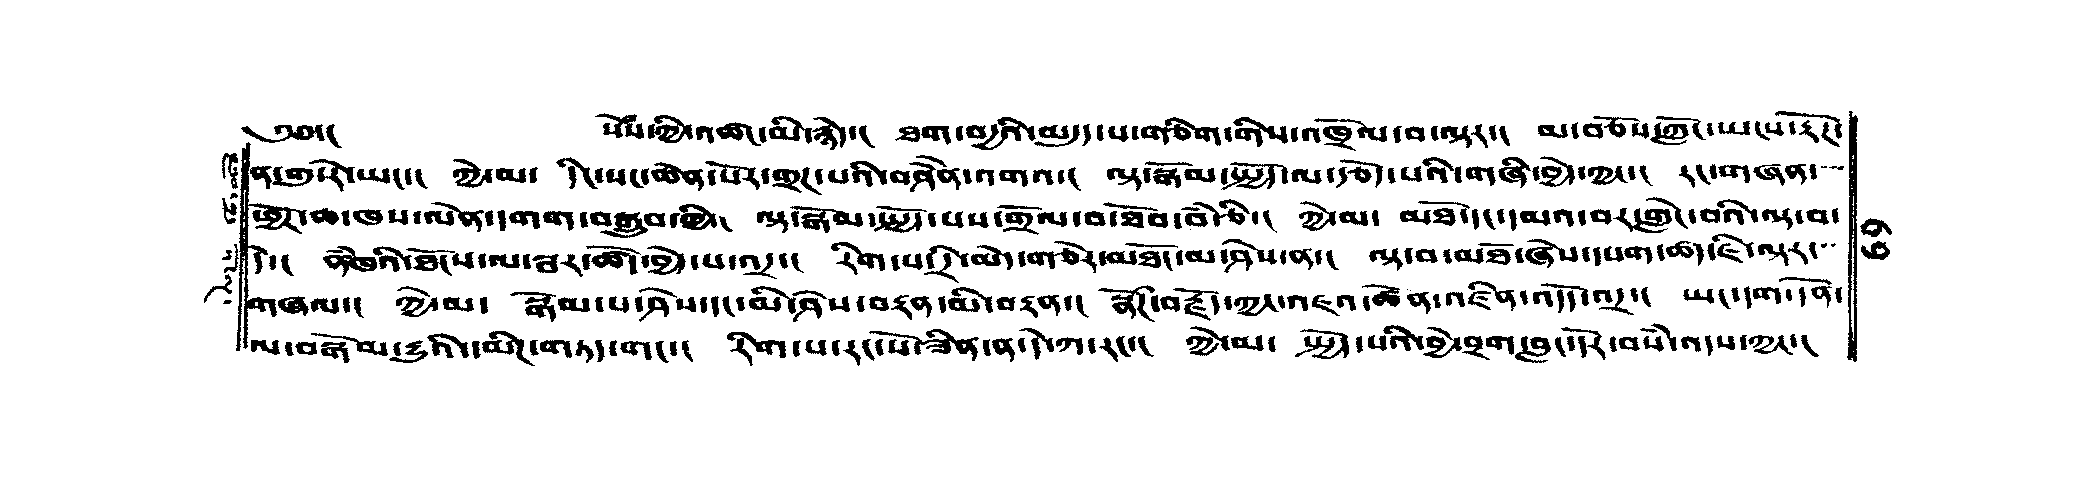སེམས་ཀྱི་འཚང་མི་རྙེད། །ཐག་བརྒྱའི་མདུད་པ་གཅིག་གིས་འཁྲོལ་བ་ལྟར། །མ་བཅོས་ཀློང་ཡངས་རྟོགས་
ན་གུ་རེ་ཡངས། ཀྱེ་མ། དིང་སང་ཆེན་པོར་གྲགས་པའི་བཤེས་གཉེན་འགའ། །ལྟ་སྒོམ་སྤྱོད་ལ་རྩོད་པའི་གཞི་བྱེད་ཀྱང་། །རང་གཞན་
ཕྱོགས་ཆ་ཁས་ལེན་དགག་སྒྲུབ་ཀྱི། །ལྟ་སྒོམ་སྤྱོད་པས་གྲོལ་བ་ཐོབ་བམ་ཅི། ཀྱེ་མ། མཐོ་དང་དམའ་བར་གླེང་བའི་ལྟ་བ་
དེ། །ནམ་མཁའི་ཐོངས་ལ་སྦར་ཚོད་བྱེད་པ་འདྲ། །རིག་པ་དྲི་མེད་གཅེར་མཐོང་མ་ཤེས་ན། །ལྟ་བ་མཐོང་ཞེས་དཔག་ཚད་ཇི་ལྟར་
གཞལ། ཀྱེ་མ། སྒོམ་པ་ཤེས་དང་མི་ཤེས་བརྟན་མི་བརྟན། །སྣ་ཚོགས་བརྗོད་ཀྱང་འཇའ་ཚོན་འཛིན་འདོད་འདྲ། །ཡང་དག་དོན་
ལ་སྒོམ་རྒྱུའི་དམིགས་གཏད་གང་། །རིག་པ་རང་སོ་ཟིན་ན་དེ་ཀ་རང་། ཀྱེ་མ། སྤྱོད་པའི་བྱེ་བྲག་བླང་དོར་བསམ་འདས་ཀྱང་། །